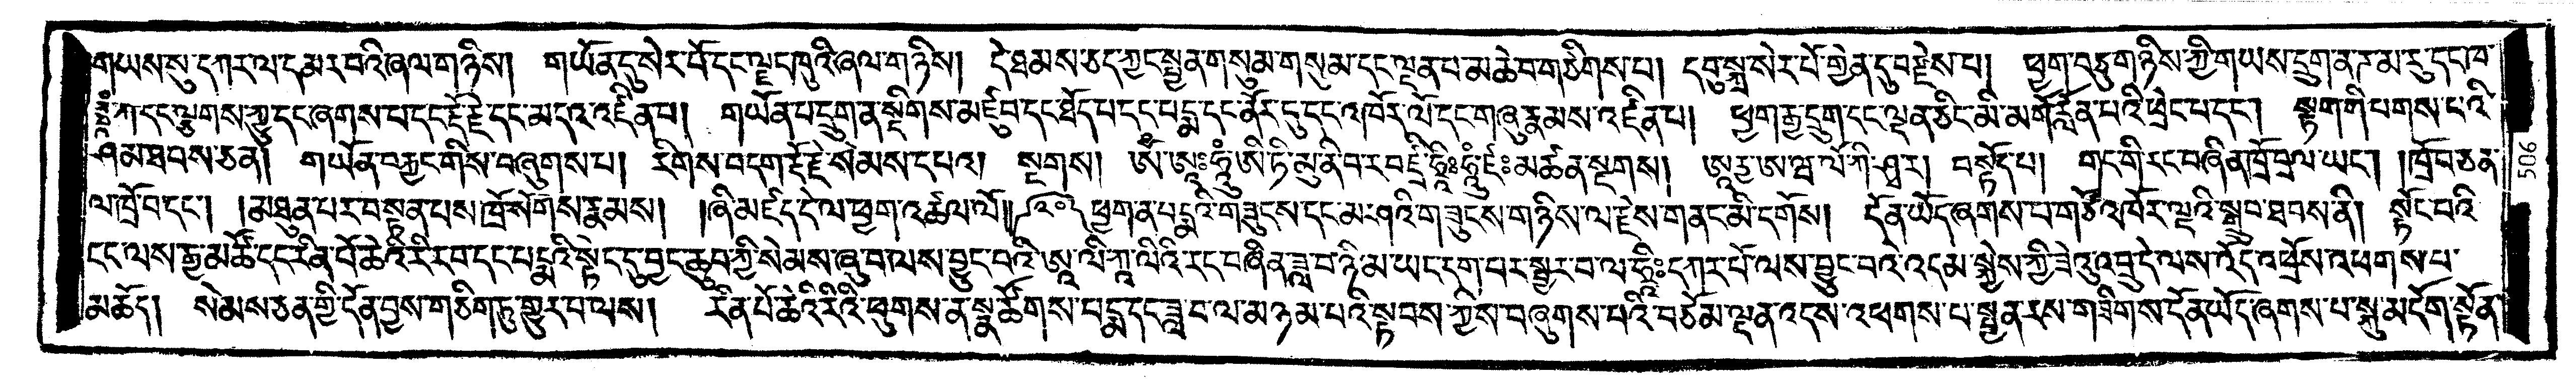གཡས་སུ་དཀར་ལ་དམར་བའི་ཞལ་གཉིས། གཡོན་དུ་སེར་པོ་དང་ལྗང་ཁུའི་ཞལ་གཉིས། དེ་ཐམས་ཅད་ཀྱང་སྤྱན་གསུམ་གསུམ་དང་ལྡན་པ་མཆེ་བ་གཙིགས་པ། དབུ་སྐྲ་སེར་པོ་གྱེན་དུ་བརྫེས་པ། ཕྱག་བཅུ་གཉིས་ཀྱི་གཡས་དྲུག་ན་ཌ་མ་རུ་དང་ཁ་
?་ཀ་དང་ལྕགས་ཀྱུ་དང་ཞགས་པ་དང་རྡོ་རྗེ་དང་མདའ་འཛིན་པ། གཡོན་པ་དྲུག་ན་སྡིགས་མཛུབ་དང་ཐོད་པ་དང་པདམ་དང་ནོར་དུ་དང་འཁོར་ལོ་དང་གཞུ་རྣམས་འཛིན་པ། ཕྱག་རྒྱ་དྲུག་དང་ལྡན་ཅིང་མི་མགོ་རློན་པའི་ཕྲེང་པ་དང་། སྟག་གི་པགས་པའི་
ཤམ་ཐབས་ཅན། གཡོན་བརྐྱང་གིས་བཞུགས་པ། རིགས་བདག་རྡོ་རྗེ་སེམས་དཔའ། སྔགས། ཨོཾ་ཨཱཿཧཱུཾ་ཨི་ཏི་མུ་ནི་བར་བཛྲི་ཧྲཱིཿཧཱུཾ་ཛཿམཚན་སྔགས། ཨཱརྱ་ཨ་ཝ་ལོ་ཀི་ཤྭ་ར། བསྟོད་པ། གང་གི་རང་བཞིན་ཁྲོ་བྲལ་ཡང་། །ཁྲོ་བ་ཅན་
ལ་ཁྲོ་བ་དང་། །མཐུན་པར་བསྟན་པས་ཁྲོ་སོགས་རྣམས། །ཞི་མཛད་དེ་ལ་ཕྱག་འཚལ་ལོ།། ༢༠?་ཕྱག་ན་པདམའི་གཟུངས་དང་མ་ཤའི་གཟུངས་གཉིས་ལ་རྗེས་གནང་མི་དགོས། དོན་ཡོད་ཞགས་པ་གཙོ་འཁོར་ལྔའི་སྒྲུབ་ཐབས་ནི། སྟོང་བའི་
ངང་ལས་རྒྱ་མཚོ་དང་རིན་པོ་ཆེའི་རི་རབ་དང་པདམའི་སྟེང་དུ་བྱང་ཆུབ་ཀྱི་སེམས་ཞུ་བ་ལས་བྱུང་བའི་ཨཱ་ལི་ཀཱ་ལིའི་རང་བཞིན་ཟླ་བ་ཉི་མ་ཡང་དག་པར་སྦྱར་བ་ལ་ཧྲཱིཿདཀར་པོ་ལས་བྱུང་བའི་འདམ་སྐྱེས་ཀྱི་ཟེའུ་འབྲུ་དེ་ལས་འོད་འཕྲོས་འཕགས་པ་
མཆོད། སེམས་ཅན་གྱི་དོན་བྱས་གཅིག་ཏུ་གྱུར་པ་ལས། རིན་པོ་ཆེའི་རིའི་ཕུགས་ན་སྣ་ཚོགས་པདམ་དང་ཟླ་བ་ལ་མཉམ་པའི་སྟབས་ཀྱིས་བཞུགས་པའི་བཅོམ་ལྡན་འདས་འཕགས་པ་སྤྱན་རས་གཟིགས་དོན་ཡོད་ཞགས་པ་སྐུ་མདོག་སྟོན་